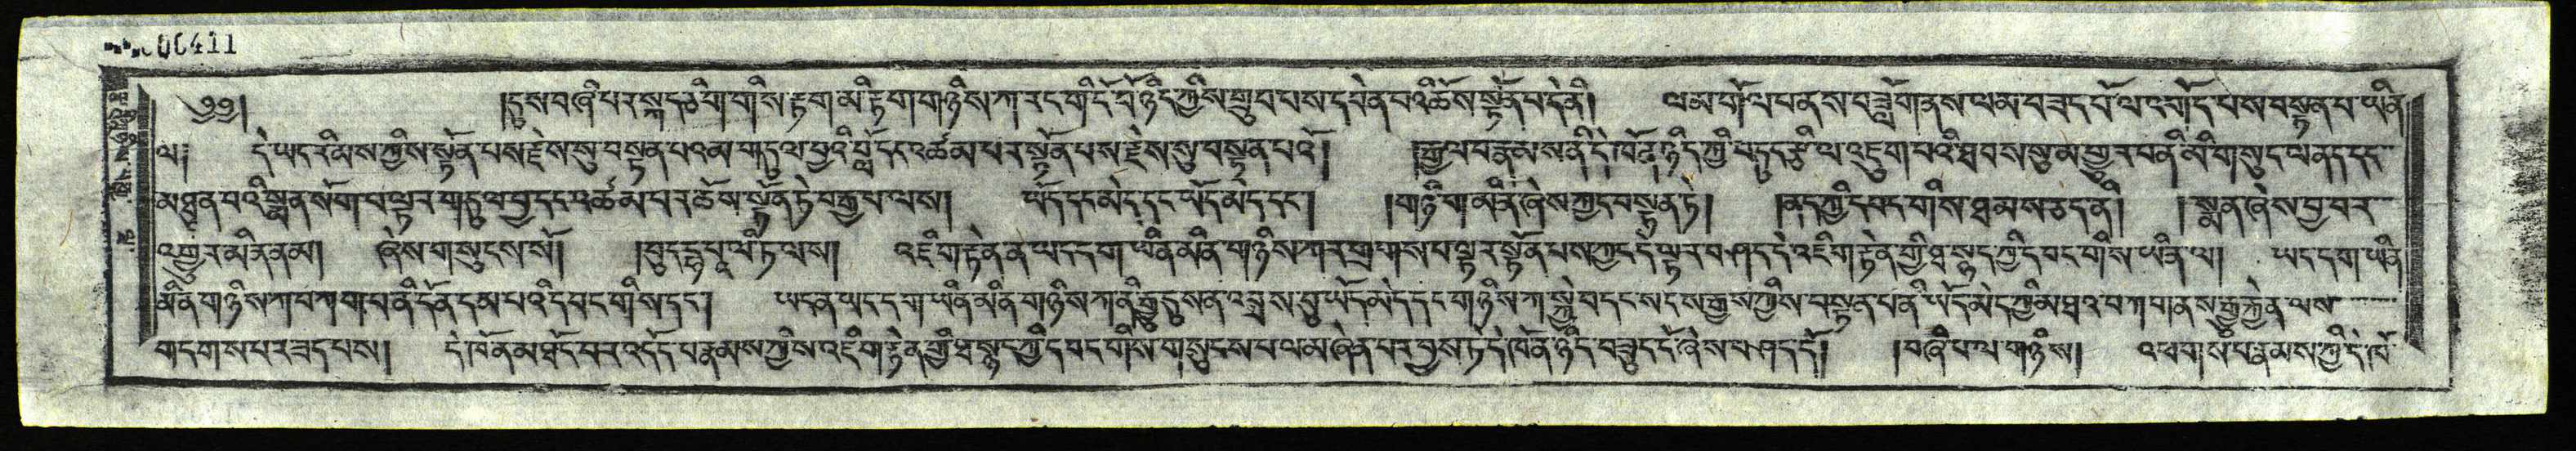༄༅། །དུས་བཞི་པར་སྐད་ཅིག་གིས་རྟག་མི་རྟག་གཉིས་ཀ་རང་གི་ངོ་བོ་ཉིད་ཀྱིས་གྲུབ་པས་དབེན་པའི་ཆོས་སྟོན་པ་དེ་ནི། ལམ་གོལ་པ་ནས་བཟློག་ནས་ལམ་བཟང་པོ་ལ་འགོད་པས་བསྟན་པ་ཡིན་
ལ༑ དེ་ཡང་རིམས་ཀྱིས་སྟོན་པས་རྗེས་སུ་བསྟན་པའམ་གདུལ་བྱའི་བློ་དང་འཚམ་པར་སྟོན་པས་རྗེས་སུ་བསྟན་པའོ། །རྒྱལ་བ་རྣམས་ནི་དེ་ཁོ་ན་ཉིད་ཀྱི་བདུད་རྩི་ལ་འཇུག་པའི་ཐབས་སུ་མ་གྱུར་བ་ནི་མི་གསུང་ལ་ནད་དང་
མཐུན་པའི་སྨན་སོག་པ་ལྟར་གདུལ་བྱ་དང་འཚམ་པར་ཆོས་སྟོན་ཏེ་བརྒྱ་པ་ལས། ཡོད་དང་མེད་དང་ཡོད་མེད་དང་། །གཉི་ག་མིན་ཞེས་ཀྱང་བསྟན་ཏེ། །ནད་ཀྱི་དབང་གིས་ཐམས་ཅད་ནི། །སྨན་ཞེས་བྱ་བར་
འགྱུར་མིན་ནམ། ཞེས་གསུངས་སོ། །བུད་དྷ་པཱ་ལི་ཏ་ལས། འཇིག་རྟེན་ན་ཡང་དག་ཡིན་མིན་གཉིས་ཀར་གྲགས་པ་ལྟར་སྟོན་པས་ཀྱང་དེ་ལྟར་བཤད་དེ་འཇིག་རྟེན་གྱི་ཐ་སྙད་ཀྱི་དབང་གིས་ཡིན་ལ། ཡང་དག་ཡིན་
མིན་གཉིས་ཀ་བཀག་པ་ནི་དོན་དམ་པའི་དབང་གིས་དང་། ཡང་ན་ཡང་དག་ཡིན་མིན་གཉིས་ཀ་ནི་རྒྱུ་དུས་ན་འབྲས་བུ་ཡོད་མེད་དང་གཉིས་ཀ་སྐྱེ་བ་དང་སངས་རྒྱས་ཀྱིས་བསྟན་པ་ནི་ཡོད་མེད་ཀྱི་མཐའ་བཀག་ནས་རྒྱུ་རྐྱེན་ལས་
གདགས་པར་ཟད་པས། དེ་ཁོ་ན་མཐོང་བར་འདོད་པ་རྣམས་ཀྱིས་འཇིག་རྟེན་གྱི་ཐ་སྙད་ཀྱི་དབང་གིས་གསུངས་པ་ལམ་ཞེན་པར་བྱས་ཏེ་དེ་ཁོ་ན་ཉིད་བཟུང་ངོ་ཞེས་བཤད་དོ། །བཞི་པ་ལ་གཉིས། འཕགས་པ་རྣམས་ཀྱི་དེ་ཁོ་